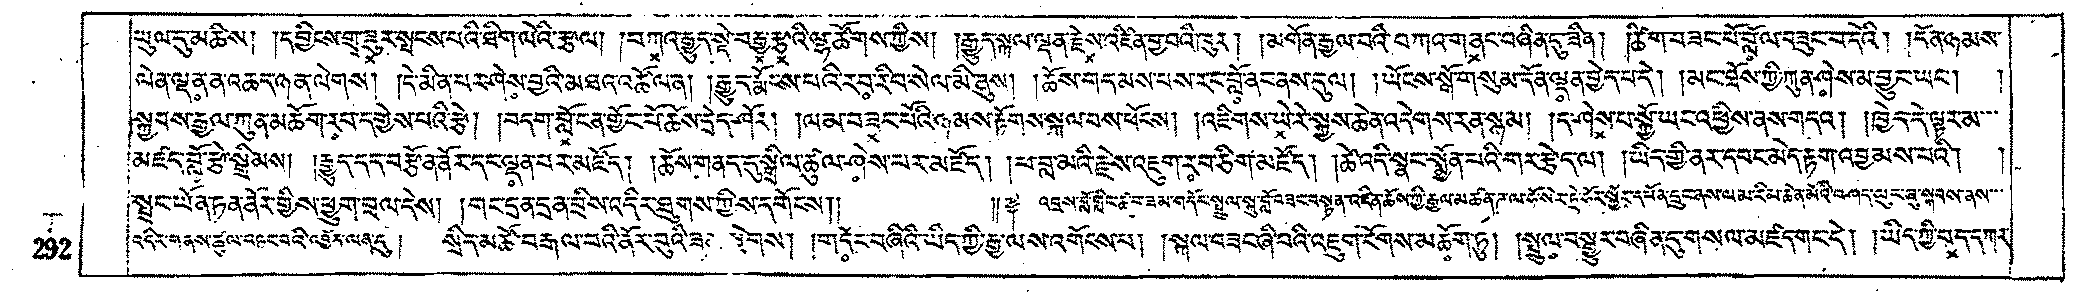ཡུལ་དུ་མཆིས། །དབྱིངས་གྲྭ་ཟུར་སྤངས་པའི་ཐིག་ལེའི་རྩལ། །བཀའ྾་རྒྱུད་སྡེ་བརྒྱ྾་རྩའི྾་ལྷ་ཚོགས་ཀྱིས། །རྒྱུད་སྐལ་ལྡན་རྗེས྾་འཛིན་བྱ་བའི་ཁུར། །མགོན་རྒྱལ་བའི་བཀའ་གནང྾་བཞིན་དུ་ཟིན། །ཚིག་བཟང་པོ་བློ་ལ་བཟུང་བ་དེའི། །དོན་ཉམས་
ལེན་ལྡན་ན་འཆད་ཉན་ལེགས། །དེ་མིན་པར་ཤེས་བྱའི་མཐའ་འཚོལ་ན། །རྒྱུད་རྨོངས་པའི་རབ྾་རིབ་སེལ་མི་ནུས། །ཆོས་གདམས་པས་རང་བློ་ནང་ནས་དུལ། །ཡོངས་སྒོ་གསུམ་དོན་ལྡན་བྱེད་པ་དེ། །མང་ཐོས་ཀྱི་ཀུན་ཤེས་མ་བྱུང་ཡང་། །
སྐྱབས་རྒྱལ་ཀུན་མཆོག་རབ་དགྱེས་པའི་རྩེ། །བདག་བློ྾་ངན་གྱོང་པོ་ཆོས་དྲེད་ཤོར། །ལམ་བཟང྾་པོའི་ཉམས་རྟོགས་སྐལ་བས་ཕོངས། །འཇིགས་ཡེ྾་རེ་སྐྱས་ཆེན་འདེགས་རན་སྙམ། །ད་ཤེས྾་པ་སྐྱོ་ཡང་འཕྱིས་ནས་གདའ། །ཁྱེད་དེ་ལྟར་མ་་་
མཛད་བློ་རྩེ་སྒྲིམས། །རྒྱུད་དད་བརྩོན་ནོར་དང་ལྡན྾་པར་མཛོད། །ཆོས་གནད་དུ་སྒྲིལ་ཚུལ་ཤེས་པར་མཛོད། །ཕ་བླ་མའི་རྗེས་འཇུག་རབ྾་ཅིག་མཛོད། །ཚེ་འདི་སྣང་སྨྱོན་པའི་གར་རྩེད་ལ། །ཡིད་གྱི་ནར་དབང་མེད་རྟག་འབྱམས་པའི། །
སྤྲང་ཡོན་ཏན་ནོར་གྱིས་ཕྱུག་བྲལ་དེས། །གང་དྲན་དྲན་བྲིས་འདིར་ཐུགས་ཀྱིས་དགོངས།། །། འ་འབྲས་བློ་གླིང་ཚ་བ་ཟམ་གདོང་སྤྲུལ་སྐུ་བློ་བཟང་བསྟན་འཛིན་ཆོས་ཀྱི་རྒྱལ་མཚན་ཌ་ལ་ཧོ་སེར་ཏྲེ་ཧོར་སྐྱོར་དཔོན་དྲུང་ནས་ལམ་རིམ་ཆེན་མོའི་བཤད་ལུང་ཞུ་སྐབས་ནས་་་
འདིར་གནས་ཚུལ་བཏང་བའི་འབྱོར་ལན་དུ། སྲིད་མཚོ་བརྒལ་བའི་ནོར་བུའི་ཟམ྾་སྟེགས། །གདོང྾་བཞིའི་ཡིད་ཀྱི་རྒྱ་ལས་འགོངས་པ། །སྐལ་བཟང་ཞི་བའི་འཇུག་ངོགས་མཆོག྾་ཏུ། །སྤྲུལ྾་བསྒྱུར་བཞིན་དུ་གསལ་མཛད་གང་དེ། །ཡིད་ཀྱི་པད྾་དཀར་